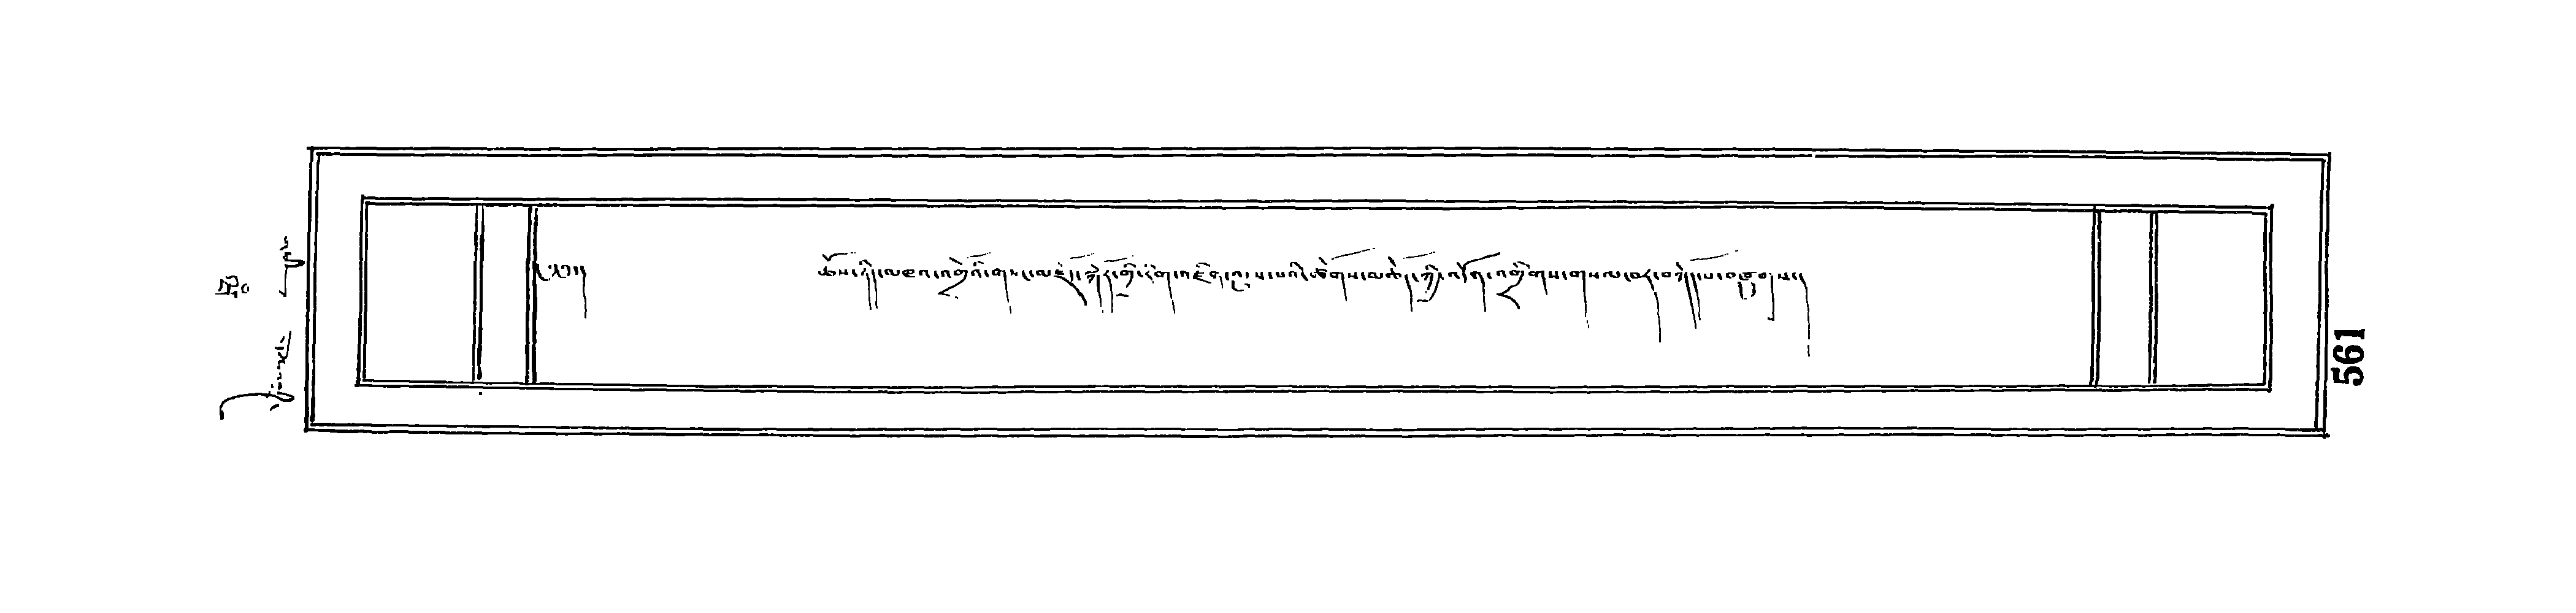༄༅། ཆོས་ཉིད་མཁའ་འགྲོའི་གསང་མཛོད་སྐོར་གྱི་རིག་འཛིན་འདུས་པའི་ཚོགས་མཆོད་ཀྱི་འདོན་འགྲིགས་གསལ་བར་བཀོད་པ་བཞུགས།